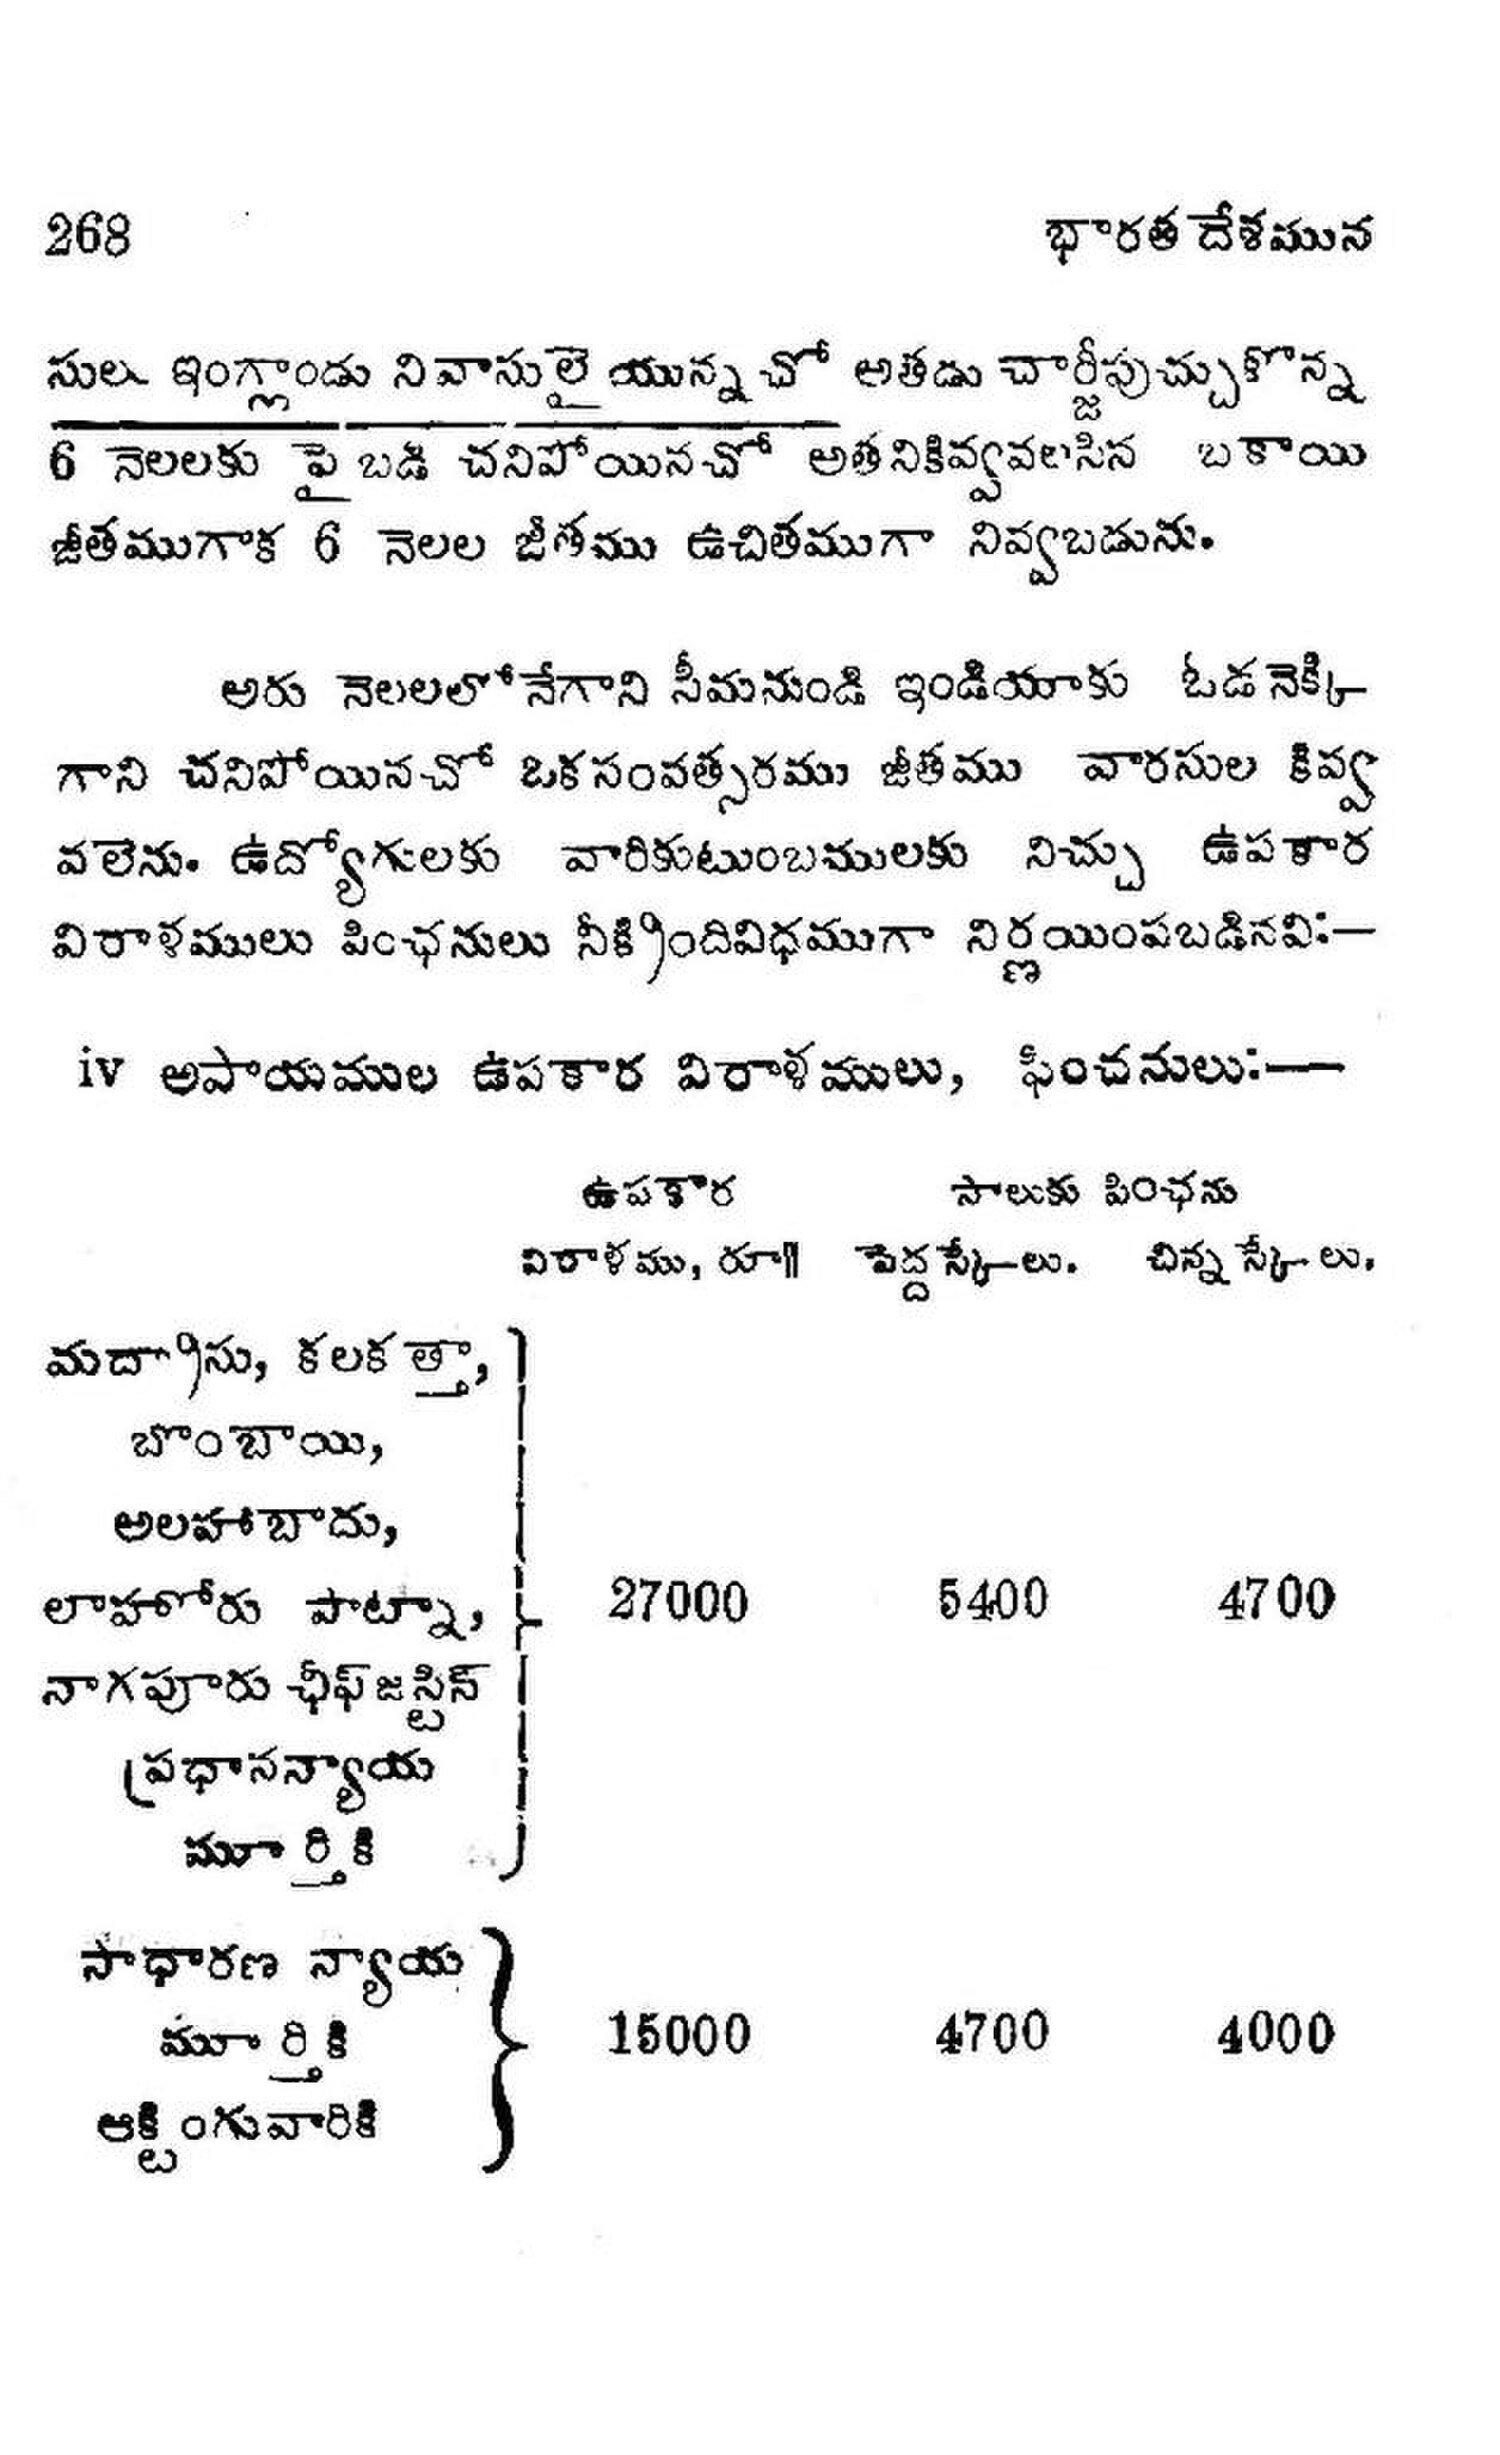సులు ఇంగ్లాండు నివాసులైయున్నచో అతడు చార్జీపుచ్చుకొన్న 6 నెలలకు పైబడి చనిపోయినచో అతనికివ్వవలసిన బకాయి జీతముగాక 6 నెలల జీతము ఉచితముగా నివ్వబడును.

ఆరు నెలలలోనేగాని సీమనుండి ఇండియాకు ఓడనెక్కిగాని చనిపోయినచో ఒకసంవత్సరము జీతము వారసుల కివ్వవలెను. ఉద్యోగులకు వారికుటుంబములకు నిచ్చు ఉపకార విరాళములు పింఛనులు నీక్రిందివిధముగా నిర్ణయింపబడినవి:-

iv అపాయముల ఉపకార విరాళములు, ఫించనులు:-

 - ఉపకార విరాళము, రూ. సాలుకు పింఛను పెద్దస్కేలు సాలుకుపింఛను చిన్నస్కేలు మద్రాసు, కలకత్తా, బొంబాయి, అలహాబాదు, లాహోరు పాట్నా, నాగపూరు ఛీఫ్ జస్టిస్ ప్రధానన్యాయమూర్తికి 27000 5400 4700 సాధారణ న్యాయమూర్తికి ఆక్టింగువారికి 15000 4700 4000